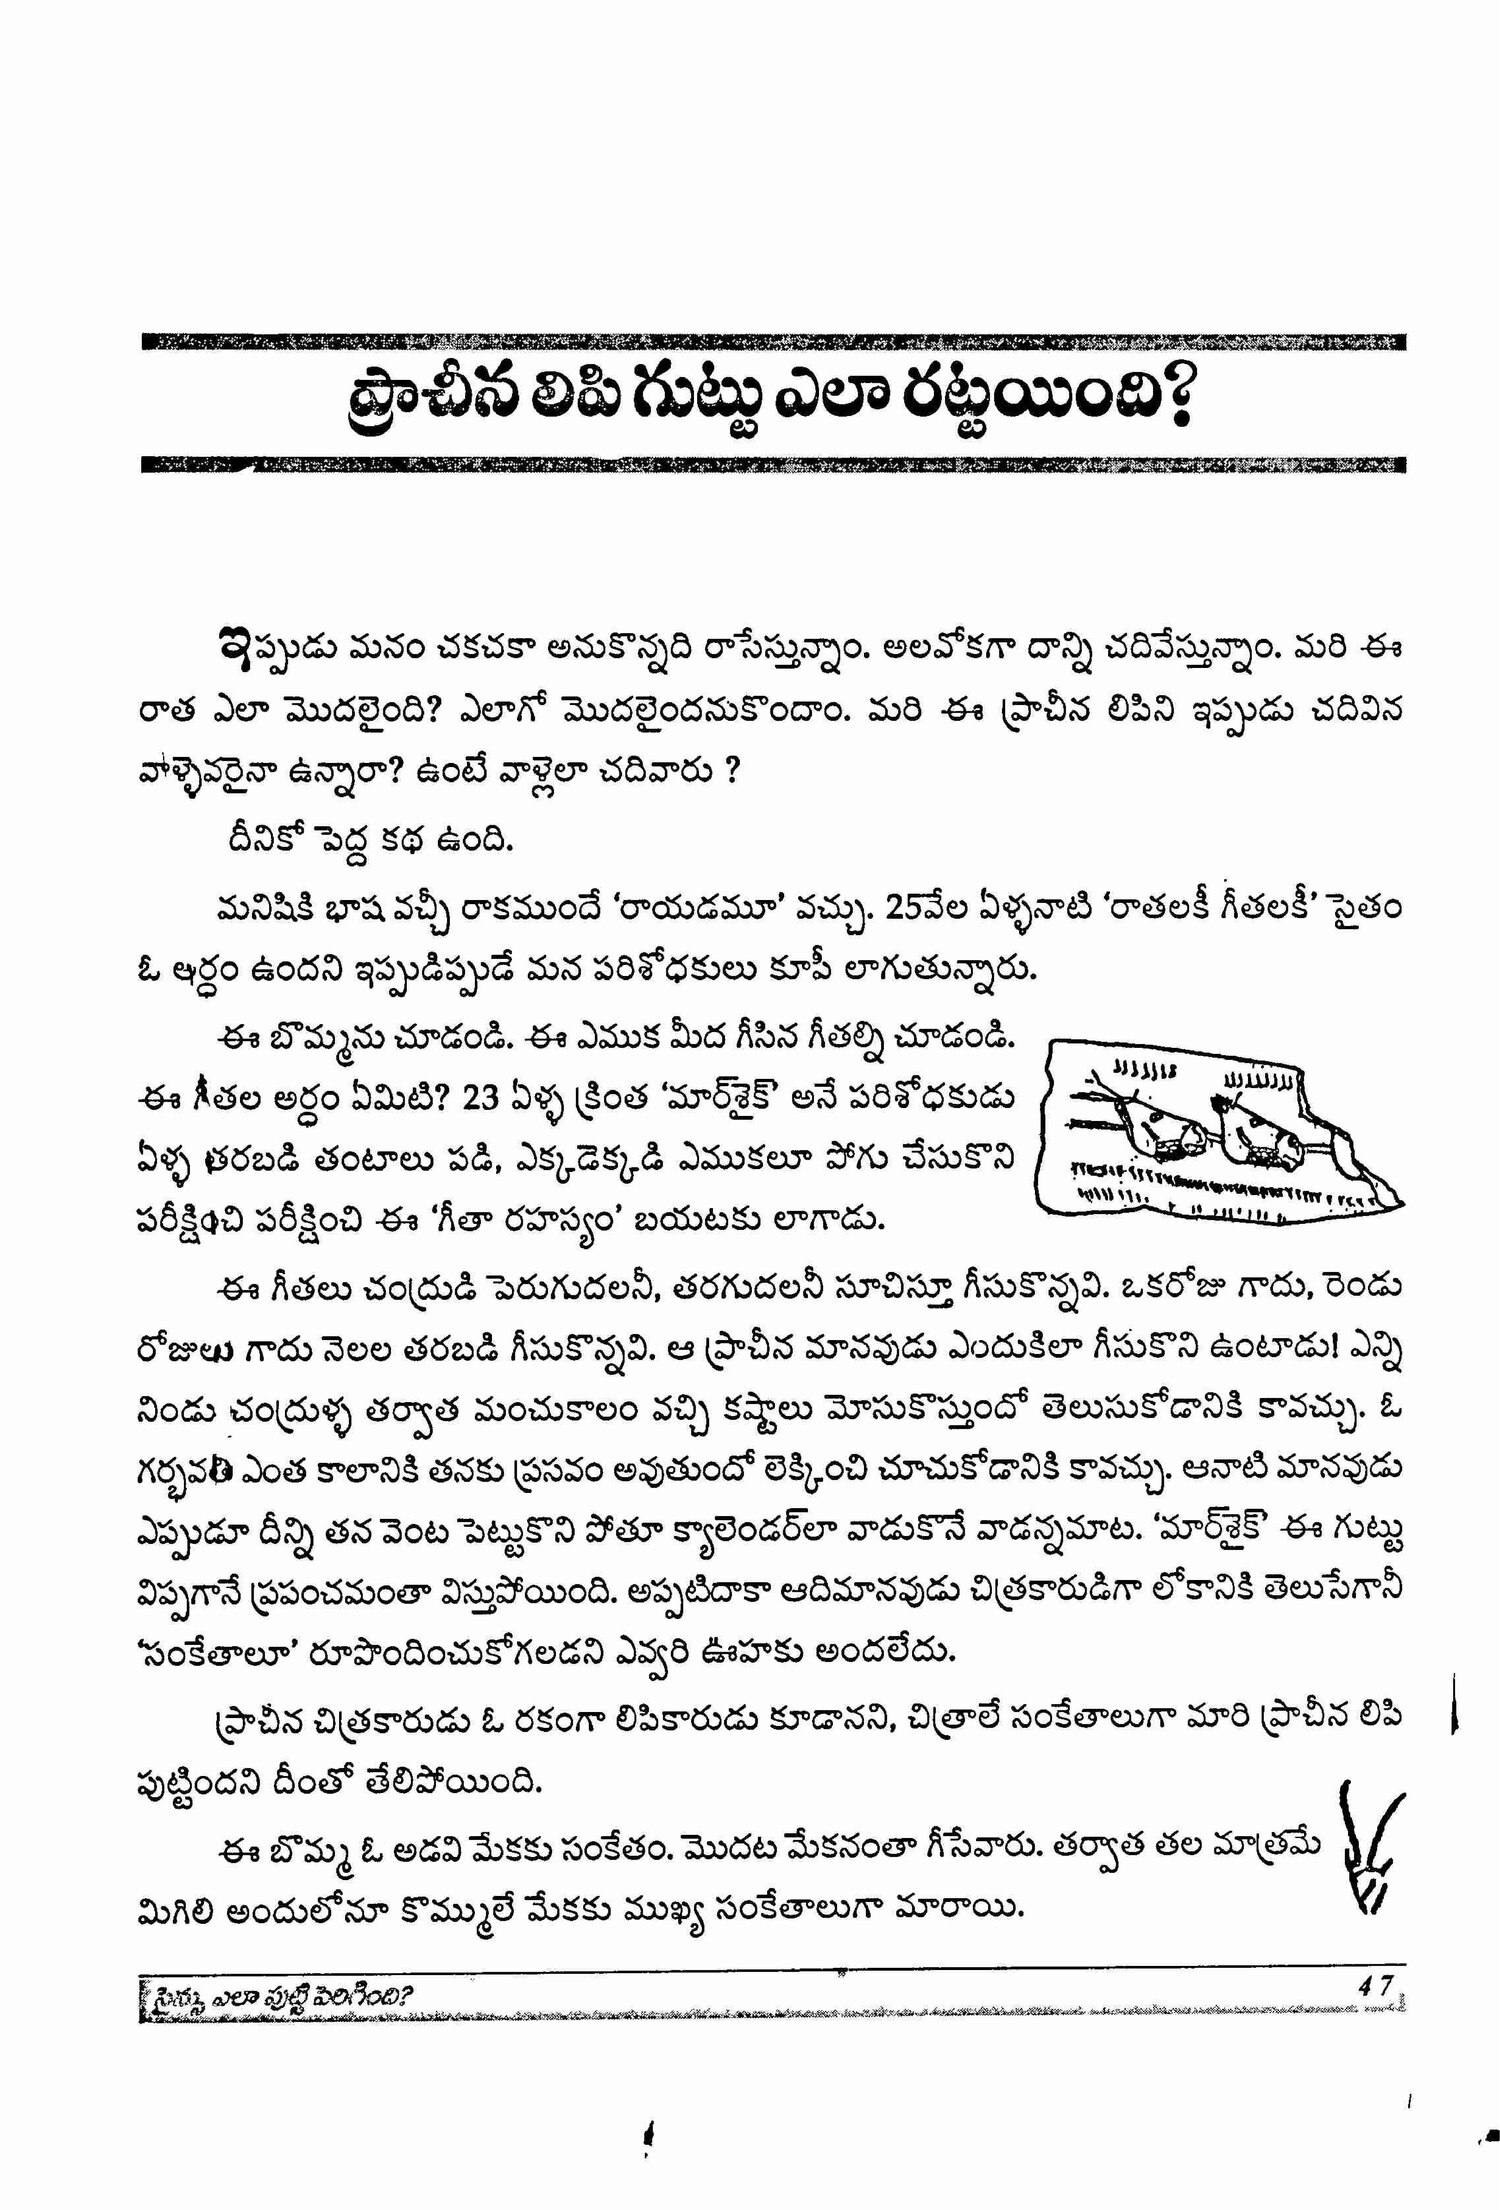ప్రాచీన లిపి గుట్టు ఎలా రట్టయింది?

ఇప్పుడు మనం చకచకా అనుకొన్నది రాసేస్తున్నాం. అలవోకగా దాన్ని చదివేస్తున్నాం. మరి ఈ రాత ఎలా మొదలైంది? ఎలాగో మొదలైందనుకొందాం. మరి ఈ ప్రాచీన లిపిని ఇప్పుడు చదివిన వాళ్ళెవరైనా ఉన్నారా? ఉంటే వాళ్లెలా చదివారు ?

దీనికో పెద్ద కథ ఉంది.

మనిషికి భాష వచ్చీ రాకముందే 'రాయడమూ' వచ్చు. 25వేల ఏళ్ళనాటి 'రాతలకీ గీతలకీ' సైతం ఓ అర్ధం ఉందని ఇప్పుడిప్పుడే మన పరిశోధకులు కూపీ లాగుతున్నారు.

ఈ బొమ్మను చూడండి. ఈ ఎముక మీద గీసిన గీతల్ని చూడండి. ఈ గీతల అర్ధం ఏమిటి? 23 ఏళ్ళ క్రింత 'మార్‌శైక్' అనే పరిశోధకుడు ఏళ్ళ తరబడి తంటాలు పడి, ఎక్కడెక్కడి ఎముకలూ పోగు చేసుకొని పరీక్షించి పరీక్షించి ఈ 'గీతా రహస్యం' బయటకు లాగాడు.

ఈ గీతలు చంద్రుడి పెరుగుదలనీ, తరుగుదలనీ సూచిస్తూ గీసుకొన్నవి. ఒకరోజు గాదు, రెండు రోజులు గాదు నెలల తరబడి గీసుకొన్నవి. ఆ ప్రాచీన మానవుడు ఎందుకిలా గీసుకొని ఉంటాడు! ఎన్ని నిండు చంద్రుళ్ళ తర్వాత మంచుకాలం వచ్చి కష్టాలు మోసుకొస్తుందో తెలుసుకోడానికి కావచ్చు. ఓ గర్భవతీ ఎంత కాలానికి తనకు ప్రసవం అవుతుందో లెక్కించి చూచుకోడానికి కావచ్చు. ఆనాటి మానవుడు ఎప్పుడూ దీన్ని తన వెంట పెట్టుకొని పోతూ క్యాలెండర్‌లా వాడుకొనే వాడన్నమాట. 'మార్‌శైక్' ఈ గుట్టు విప్పగానే ప్రపంచమంతా విస్తుపోయింది. అప్పటిదాకా ఆదిమానవుడు చిత్రకారుడిగా లోకానికి తెలుసేగానీ 'సంకేతాలూ' రూపొందించుకోగలడని ఎవ్వరి ఊహకు అందలేదు.

ప్రాచీన చిత్రకారుడు ఓ రకంగా లిపికారుడు కూడానని, చిత్రాలే సంకేతాలుగా మారి ప్రాచీన లిపి పుట్టిందని దీంతో తేలిపోయింది.

ఈ బొమ్మ ఓ అడవి మేకకు సంకేతం. మొదట మేకనంతా గీసేవారు. తర్వాత తల మాత్రమే మిగిలి అందులోనూ కొమ్ములే మేకకు ముఖ్య సంకేతాలుగా మారాయి.